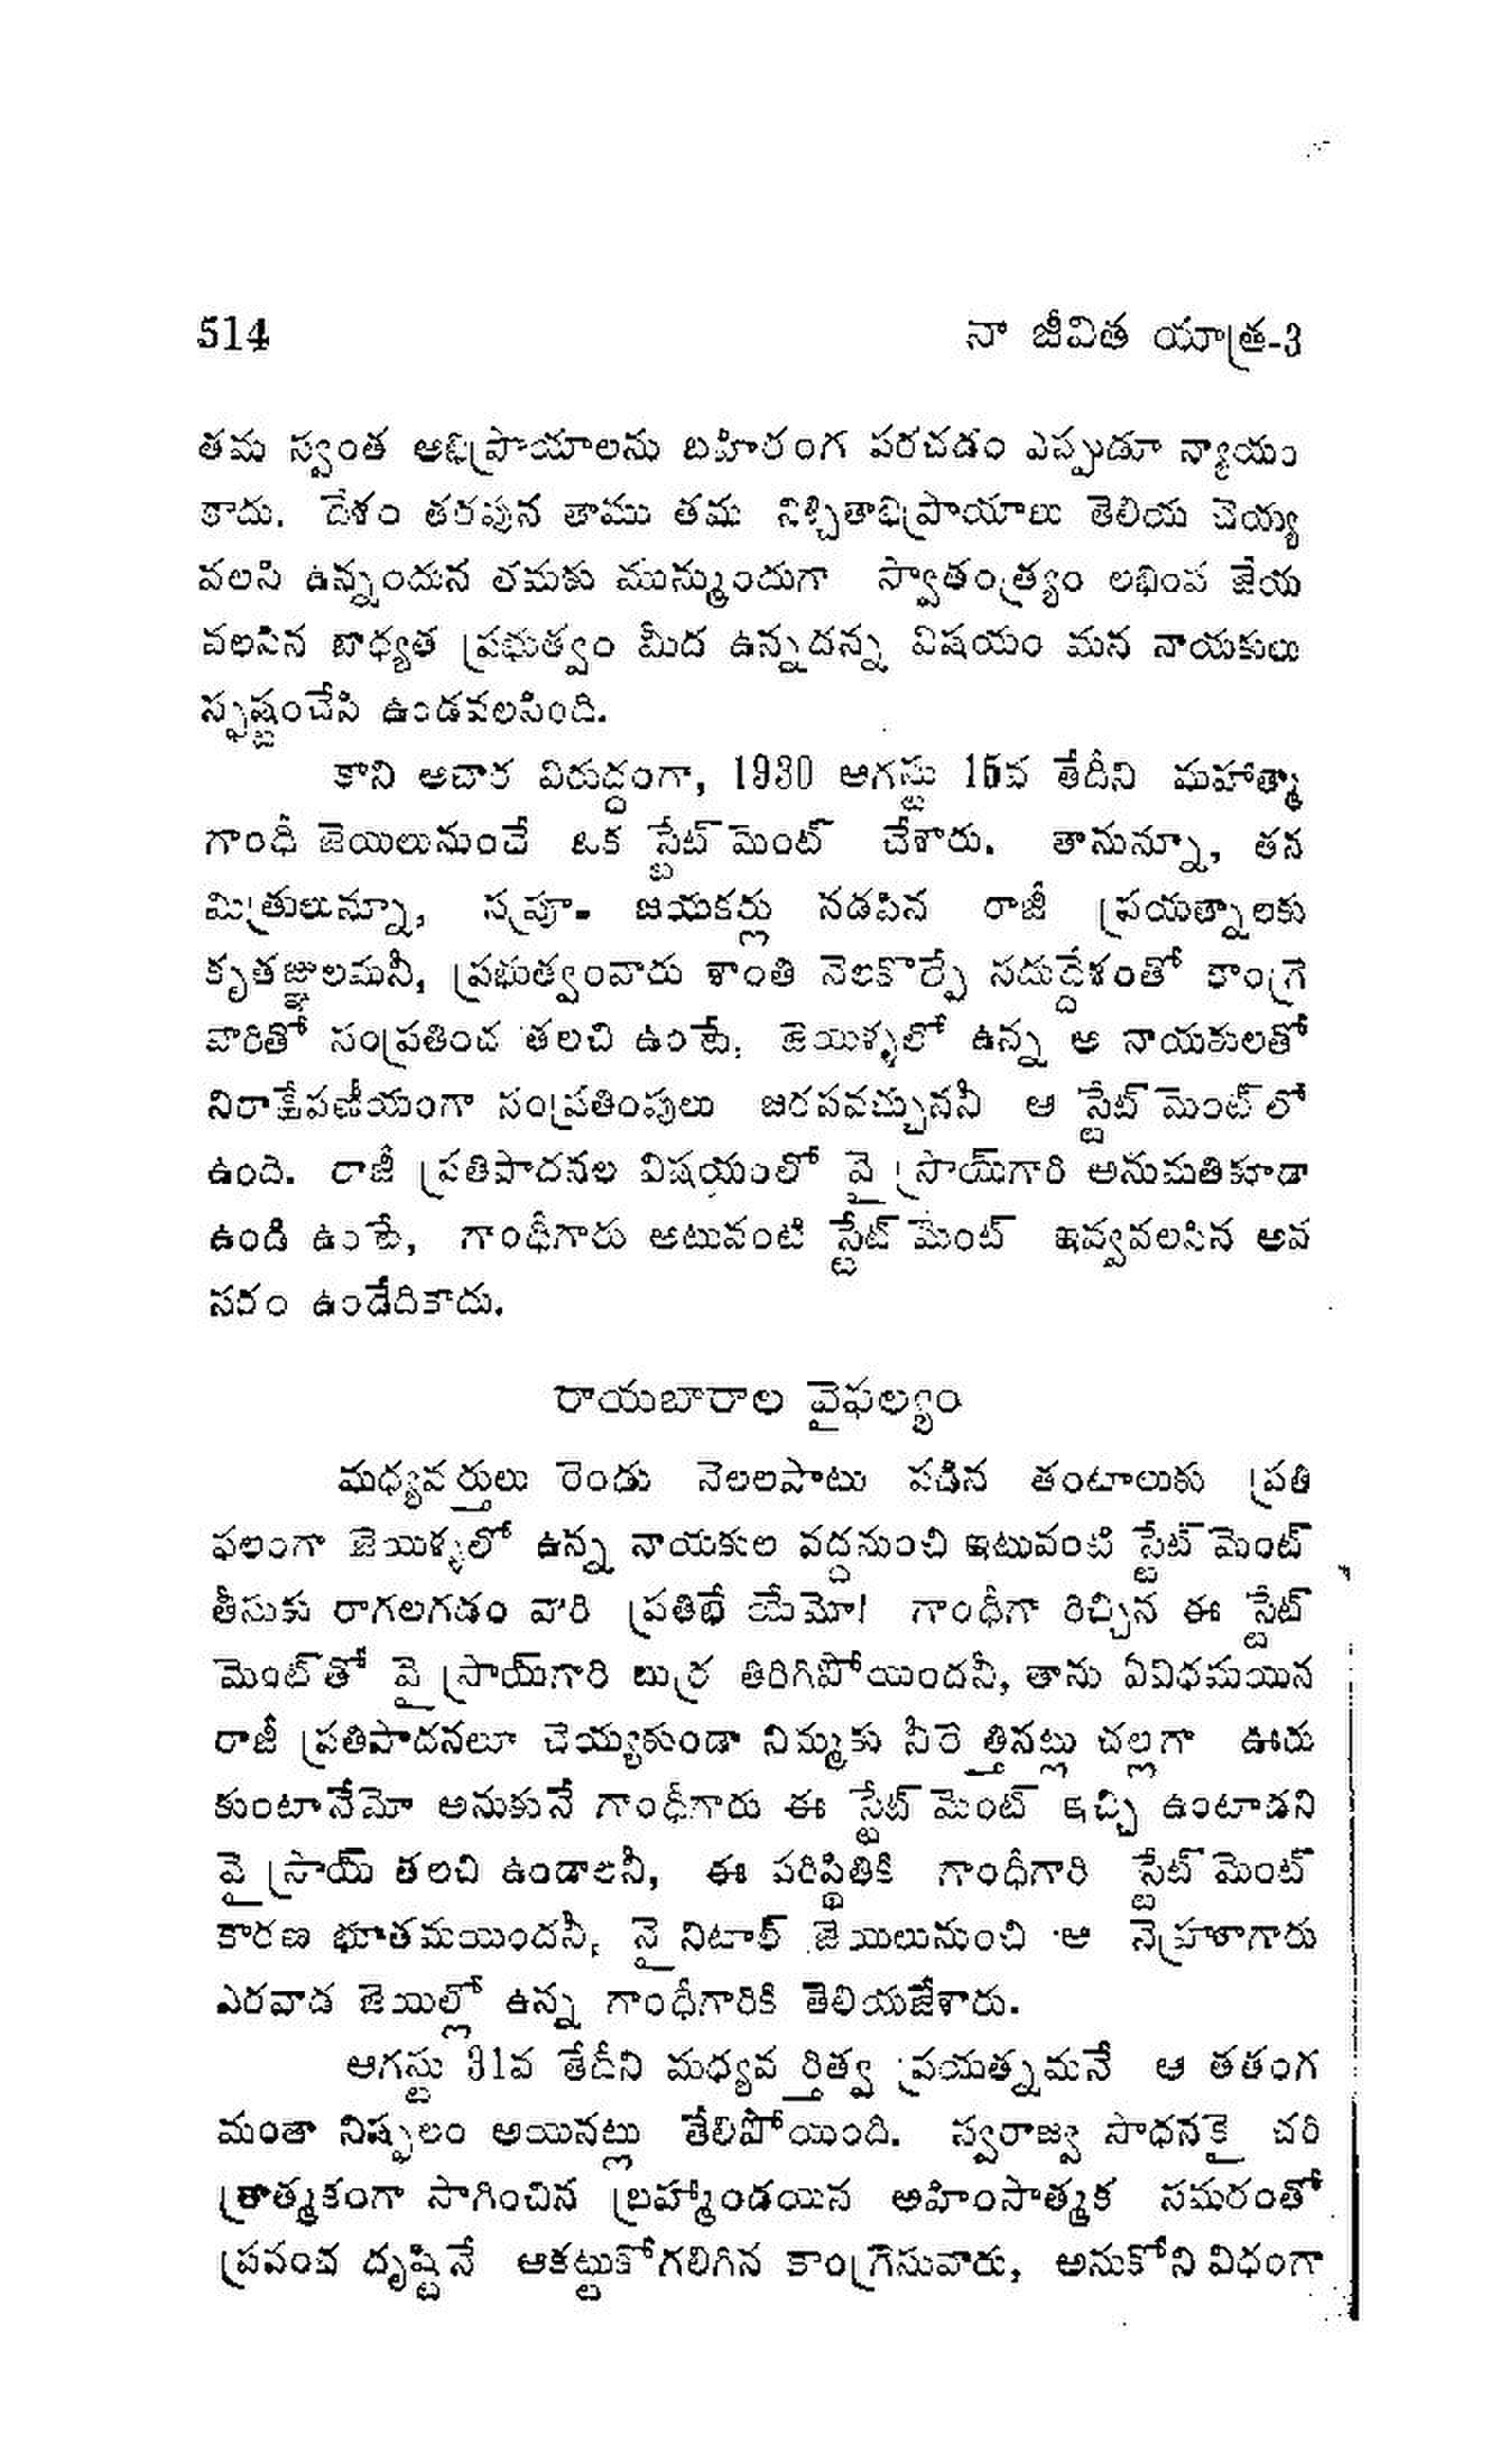తమ స్వంత అభిప్రాయాలను బహిరంగ పరచడం ఎప్పుడూ న్యాయం కాదు. దేశం తరపున తాము తమ నిశ్చితాభిప్రాయాలు తెలియ చెయ్యవలసి ఉన్నందున తమకు మున్ముందుగా స్వాతంత్ర్యం లభింప జేయవలసిన బాధ్యత ప్రభుత్వం మీద ఉన్నదన్న విషయం మన నాయకులు స్పష్టంచేసి ఉండవలసింది.

కాని ఆచార విరుద్దంగా, 1930 ఆగస్టు 15 వ తేదీని మహాత్మాగాంధీ జెయిలునుంచే ఒక స్టేట్‌మెంట్ చేశారు. తానున్నూ, తన మిత్రులున్నూ, సప్రూ - జయకర్లు నడపిన రాజీ ప్రయత్నాలకు కృతజ్ఞులమనీ, ప్రభుత్వంవారు శాంతి నెలకొల్పే సదుద్దేశంతో కాంగ్రెసు వారితో సంప్రతించ తలచి ఉంటే. జెయిళ్ళలో ఉన్న ఆ నాయకులతో నిరాక్షేపణీయంగా సంప్రతింపులు జరపవచ్చుననీ ఆ స్టేట్‌మెంట్‌లో ఉంది. రాజీ ప్రతిపాదనల విషయంలో వైస్రాయ్‌గారి అనుమతికూడా ఉండి ఉంటే, గాంధీగారు అటువంటి స్టేట్ మెంట్ ఇవ్వవలసిన అవసరం ఉండేదికాదు.

మధ్యవర్తులు రెండు నెలలపాటు పడిన తంటాలుకు ప్రతిఫలంగా జెయిళ్ళలో ఉన్న నాయకుల వద్దనుంచి ఇటువంటి స్టేట్ మెంట్ తీసుకు రాగలగడం వారి ప్రతిభే యేమో! గాంధీగా రిచ్చిన ఈ స్టేట్ మెంట్‌తో వైస్రాయ్‌గారి బుర్ర తిరిగిపోయిందనీ, తాను ఏవిధమయిన రాజీ ప్రతిపాదనలూ చెయ్యకుండా నిమ్మకు నీరెత్తినట్లు చల్లగా ఊరుకుంటానేమో అనుకునే గాంధీగారు ఈ స్టేట్ మెంట్ ఇచ్చి ఉంటాడని వైస్రాయ్ తలచి ఉండాలనీ, ఈ పరిస్థితికి గాంధీగారి స్టేట్ మెంట్ కారణ భూతమయిందనీ, నైనిటాల్ జెయిలునుంచి ఆ నెహ్రూగారు ఎరవాడ జెయిల్లో ఉన్న గాంధీగారికి తెలియజేశారు.

ఆగస్టు 31 వ తేదీని మధ్యవర్తిత్వ ప్రయత్నమనే ఆ తతంగమంతా నిష్పలం అయినట్లు తేలిపోయింది. స్వరాజ్య సాధనకై చరిత్రాత్మకంగా సాగించిన బ్రహ్మాండమయిన అహింసాత్మక సమరంతో ప్రపంచ దృష్టినే ఆకట్టుకోగలిగిన కాంగ్రెసువారు, అనుకోని విధంగా